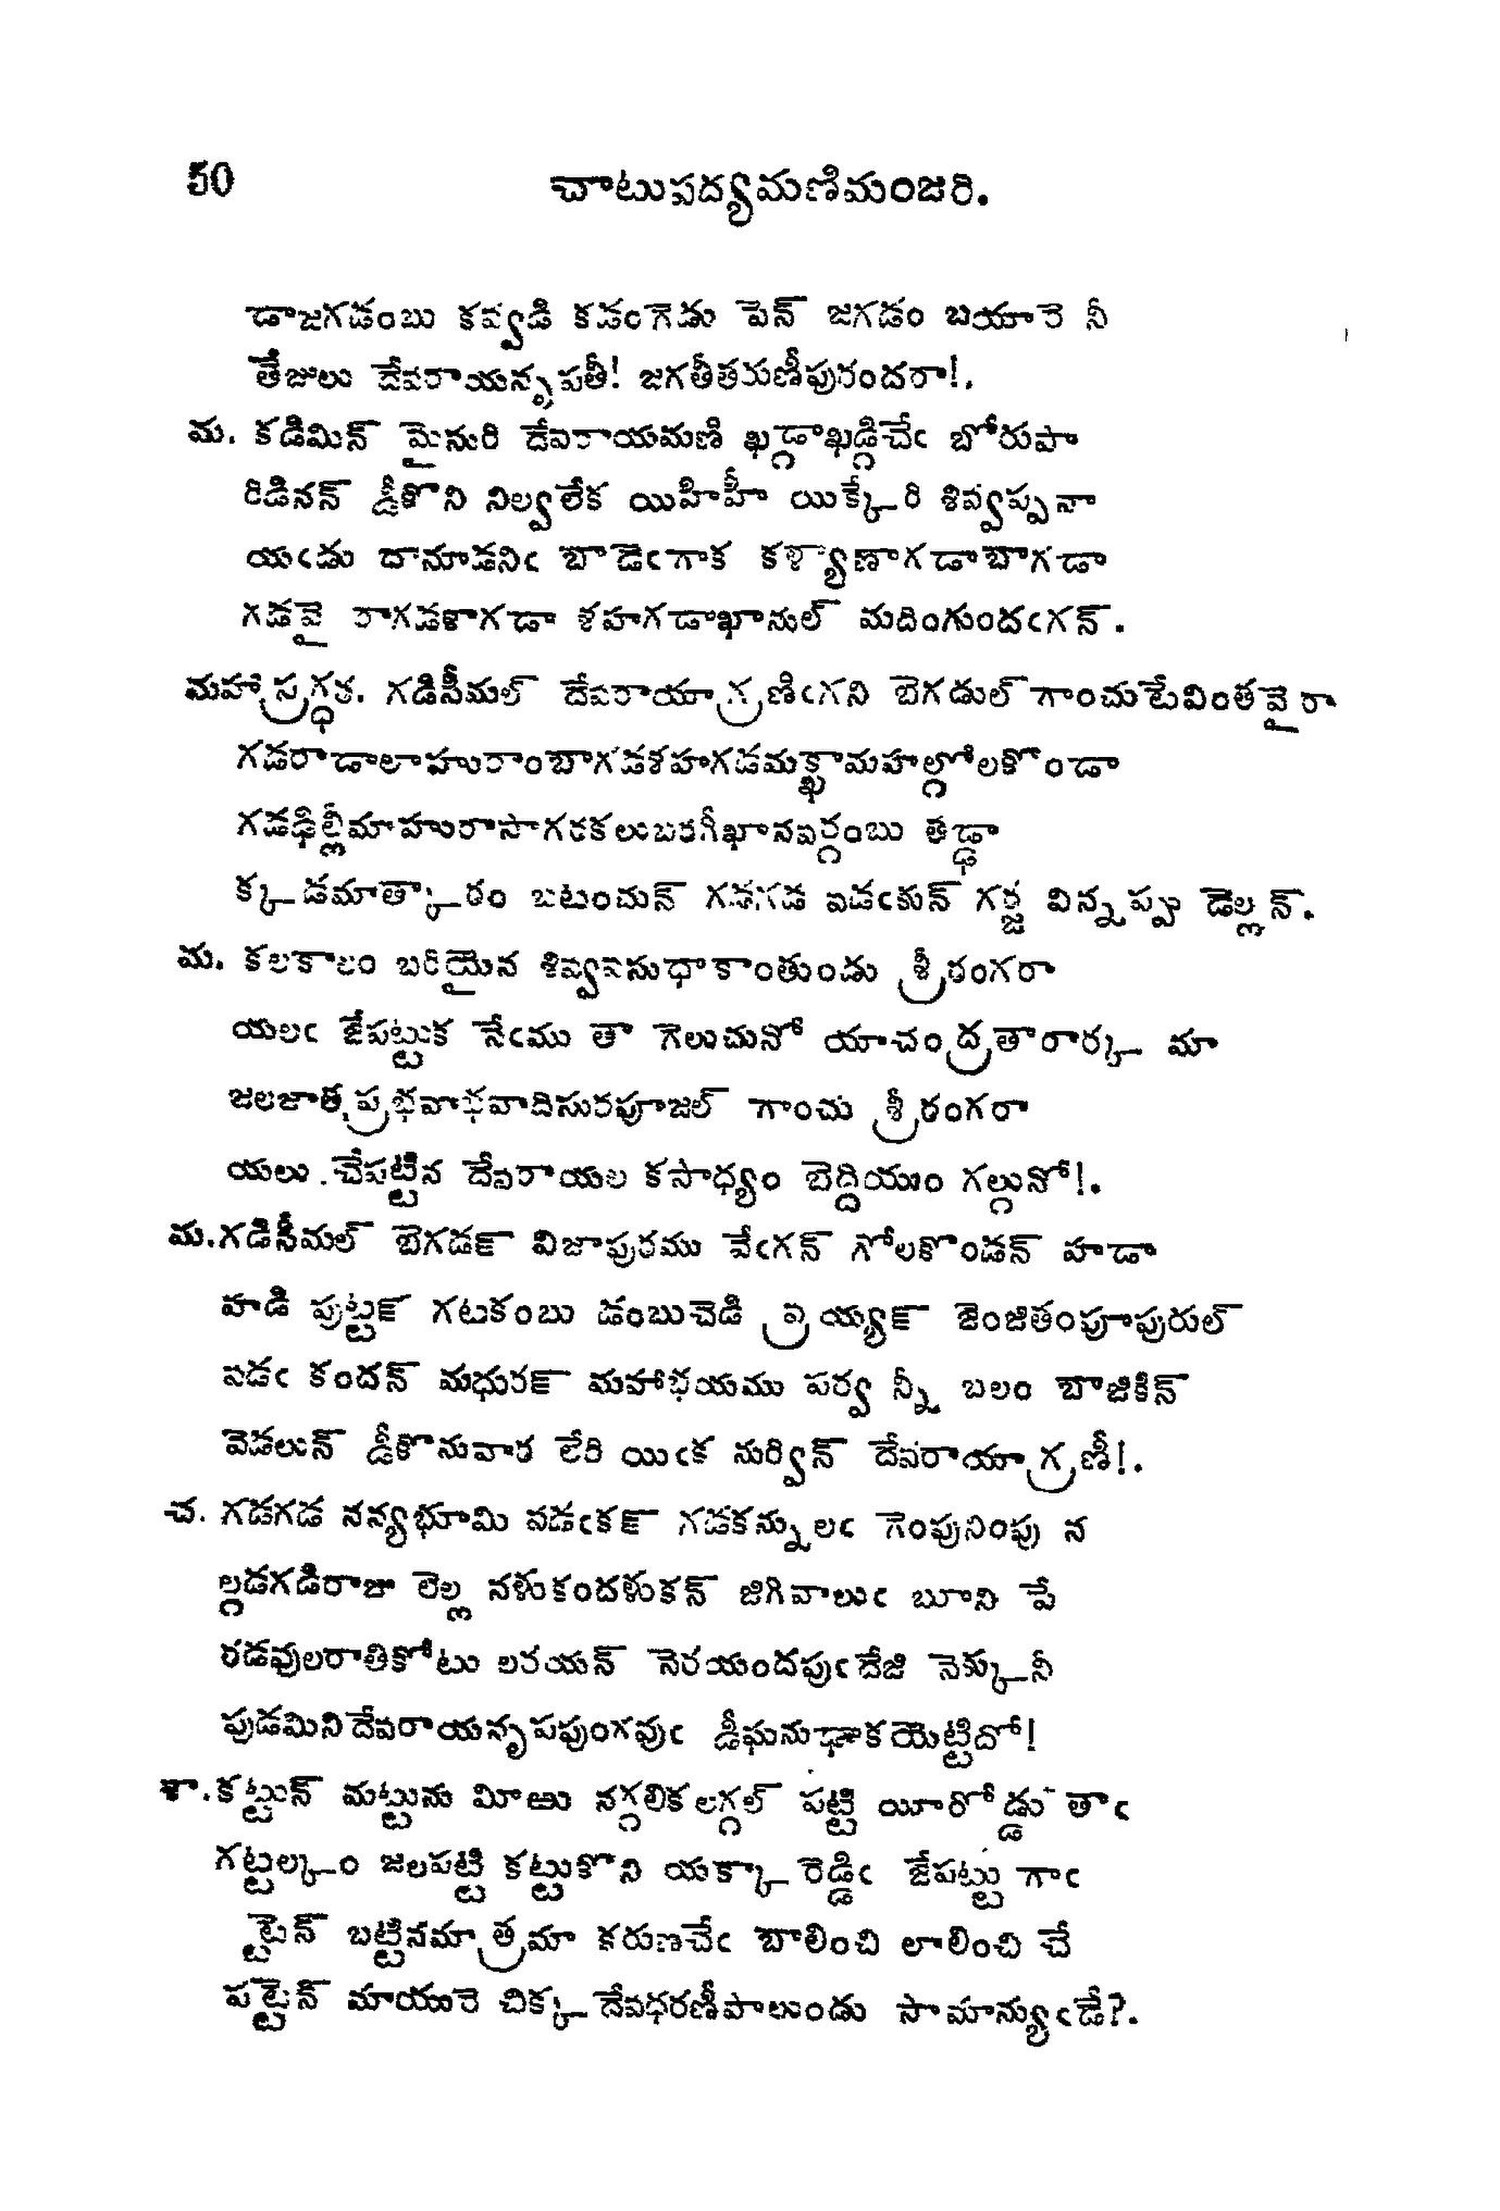డాజగడంబు కవ్వడి కడంగెడు పెన్ జగడం బయారె నీ
 తేజులు దేవరాయనృపతీ! జగతీతరుణీపురందరా!
మ. కడిమిన్ మైసురి దేవరాయమణి ఖడ్గాఖడ్గిచేఁ బోరుపా
 రిడినన్ డీకొని నిల్వలేక యిహిహీ యిక్కేరి శివ్వప్పనా
 యఁడు దానూడనిఁ బాడెఁగాక కళ్యాణాగడాంబాగడా
 గడవై రాగడశాగడాసహగడాఖానుల్ మదింగుందఁగన్.
మహాస్రగ్ధర. గడిసీమల్ దేవరాయగ్రణిఁ గనిబెగడుల్ గాంచుటేవింతవైరా
 గడరాడాలాహురాంబాగడశహగడమక్ఖామహల్గోలకొండా
 గడఢిల్లీఘాహురాసాగరకలుబరగీఖానవర్గంబు తడ్ఢా
 క్కడమాత్కారం బటంచున్ గడగడ వడఁకున్ గర్జ విన్నప్పు డెల్లన్.
మ. కలకాలం బరియైన శివ్వసుధాకాంతుండు శ్రీరంగరా
 యలఁ జేపట్టుక నేఁడు తా గెలుచునా యాచంద్రతారార్క మా
 జలజాతప్రబవాభవాదిసురపూజన్ గాంచు శ్రీరంగరా
 యలు చేపట్టిన దేవరాయల కసాధ్యం బెద్దియుం గల్గునో!
మ. గడిసీమల్ బెగడన్ విజాపురము వేఁగన్ గోలకొండన్ హడా
 హడి పుట్టన్ గటకంబు డంబుచెడి వ్రయ్యన్ జెంజితంపూపురుల్
 వడఁ కందన్ మథురన్ మహాభయము పర్వ న్నీ బలం బాజికిన్
 వెడలున్ జేకొనువార లేరి యిఁక నుర్విన్ దేవరాయాగ్రణీ!
చ. గడగడ నన్యభూమి వడఁకన్ గడకన్నులఁ గెంపునింపు న
 ల్గడగడిరాజు లెల్ల నళుకందళుకన్ జిగివాలుఁ బూని పో
 రడపులరాతికోటు లరయన్ నెరయందపుఁదేజి నెక్కునీ
 పుడమిని దేవరాయనృపపుంగవుఁ డీఘనుఢాక యెట్టిదో!
శా. కట్టున్ మట్టును మీఱు నగ్గలికలగ్గల్ పట్టి యీరోడ్డు తాఁ
 గట్టల్కం జలపట్టి కట్టుకొని యక్కారెడ్డిఁ జేపట్టు గాఁ
 బట్టెన్ బట్టినమాత్రమా కరుణచేఁ బాలించి లాలించి చే
 పట్టెన్ మాయురె చిక్క దేవధరణీపాలుండు సామాన్యుఁడే?